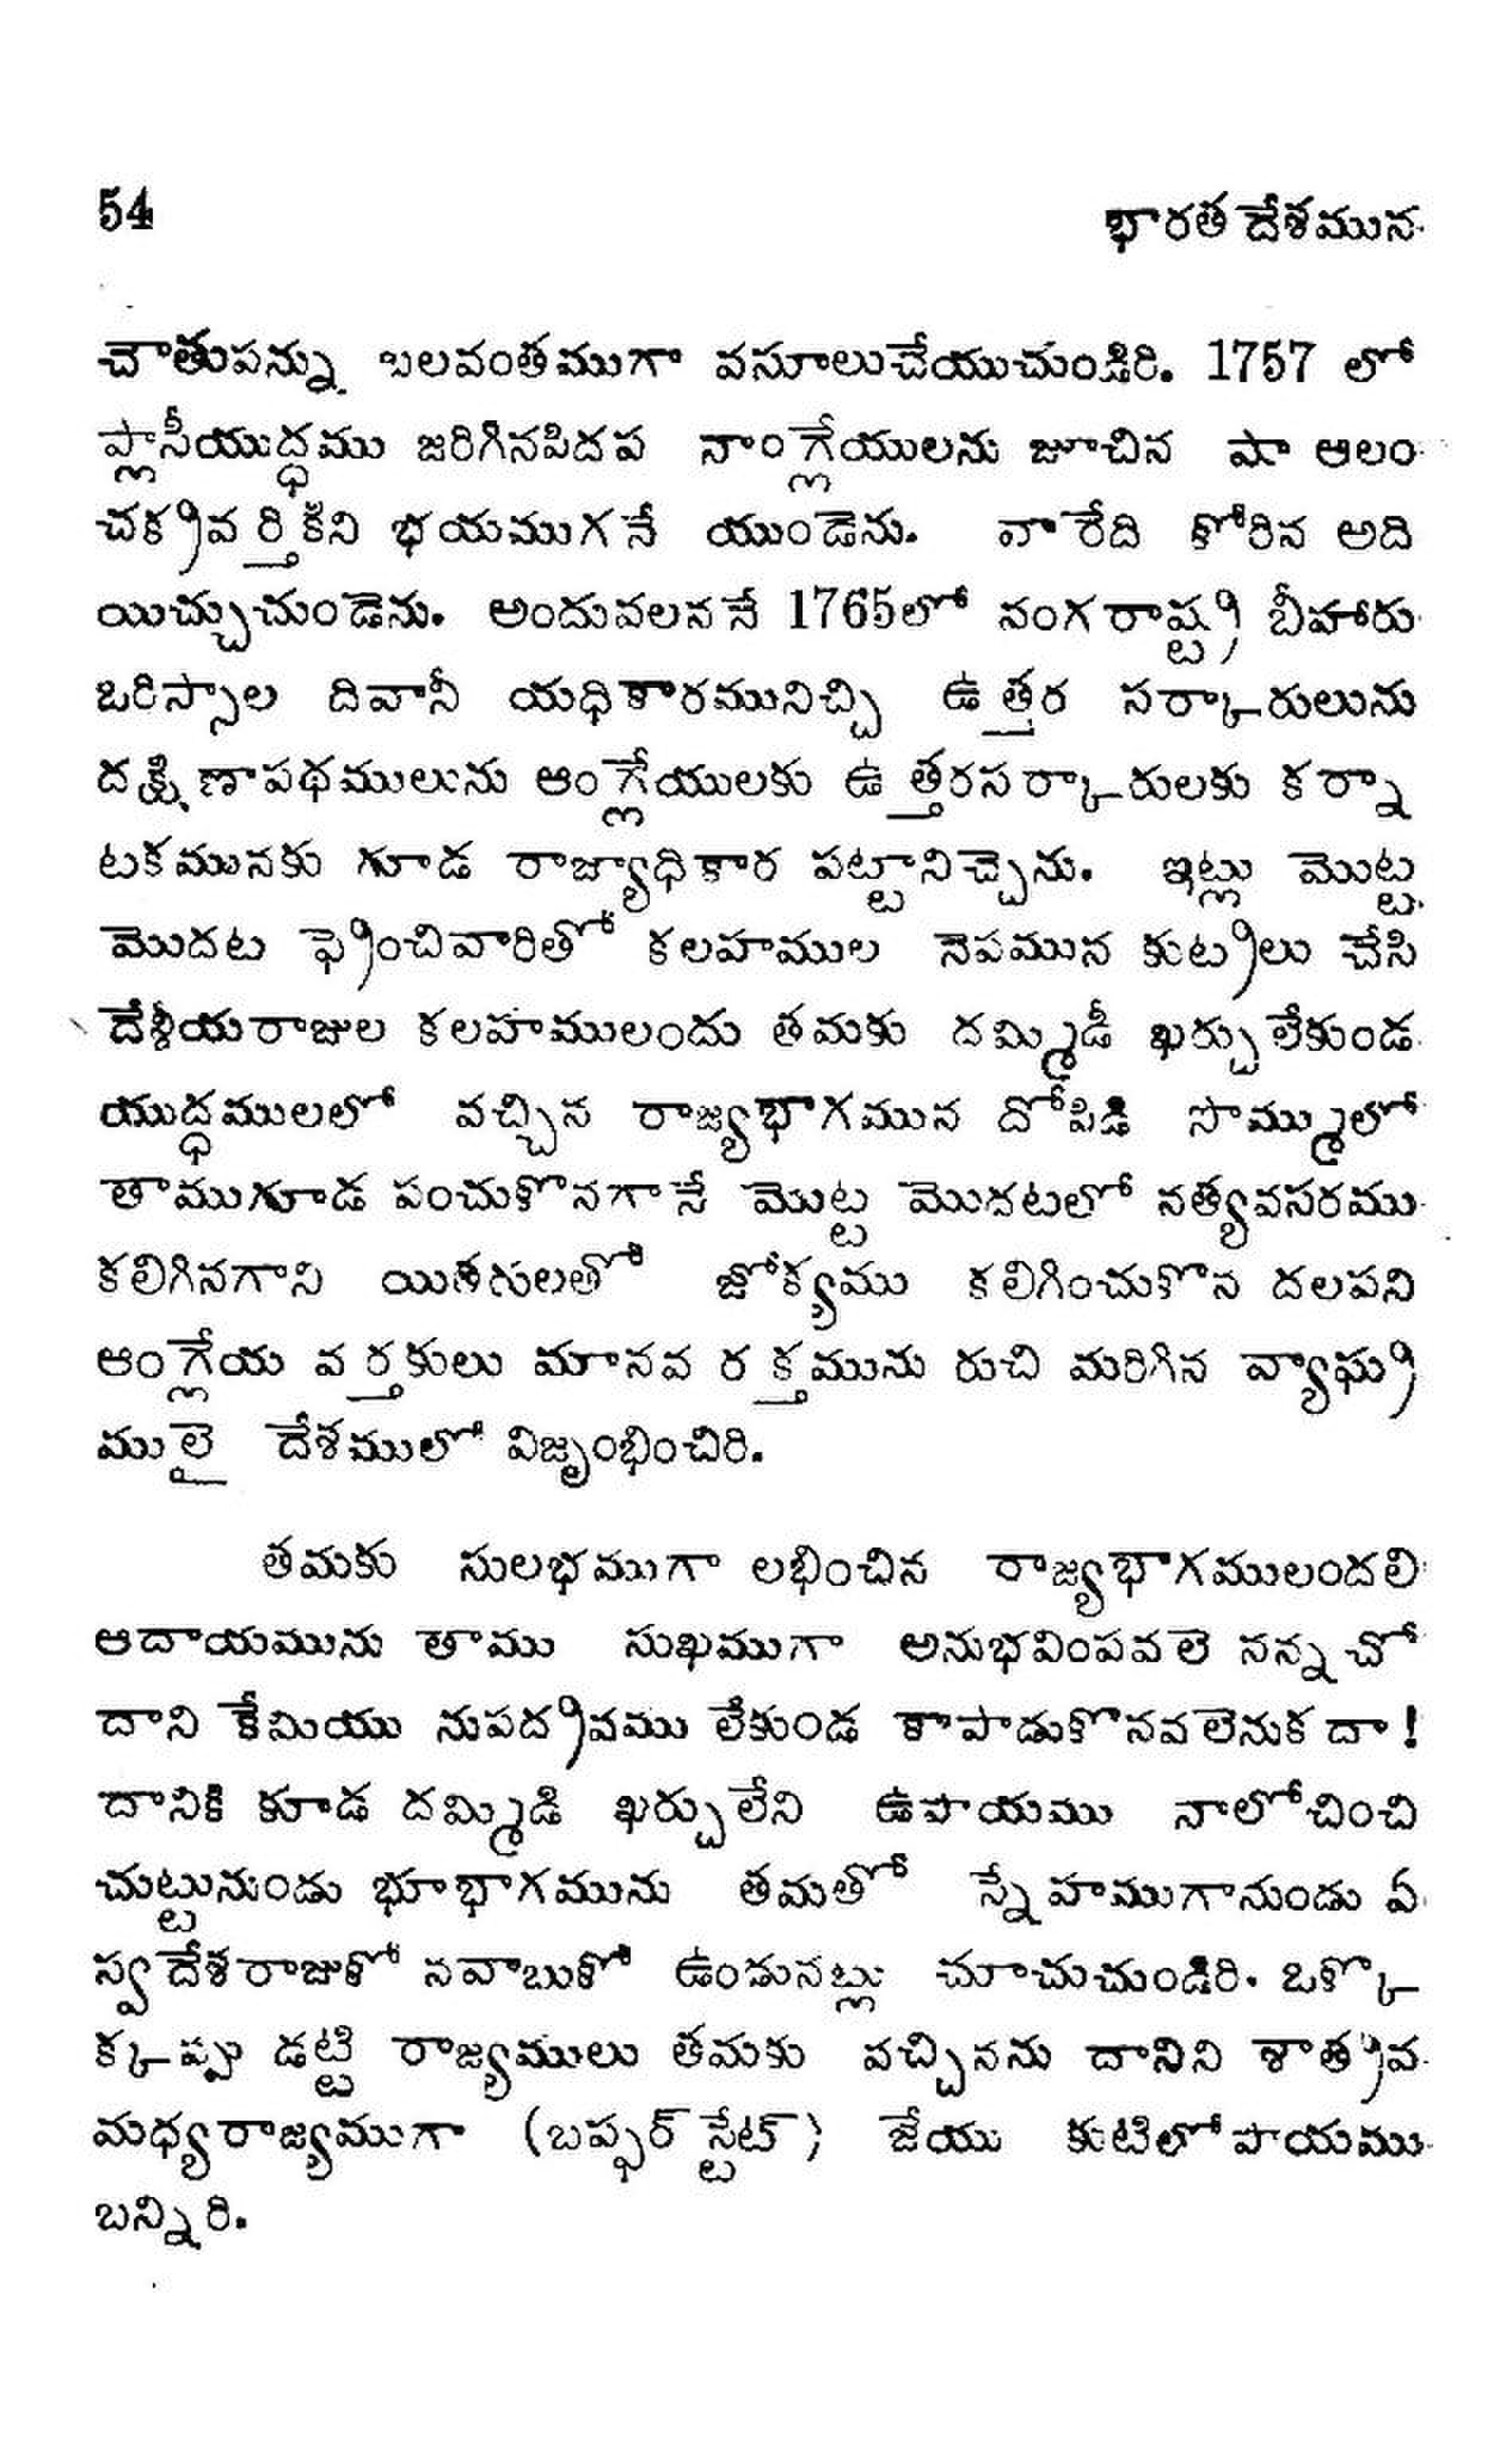చౌతుపన్ను బలవంతముగా వసూలుచేయుచుండిరి. 1757 లో ప్లాసీయుద్ధము జరిగినపిదప నాంగ్లేయులను జూచిన షా ఆలం చక్రవర్తికిని భయముగనే యుండెను. వారేది కోరిన అది యిచ్చుచుండెను. అందువలననే 1765లో వంగరాష్ట్ర బీహారు ఒరిస్సాల దివానీ యధికారమునిచ్చి ఉత్తర సర్కారులును దక్షిణాపథములును ఆంగ్లేయులకు ఉత్తరసర్కారులకు కర్నాటకమునకు గూడ రాజ్యాధికార పట్టానిచ్చెను. ఇట్లు మొట్టమొదట ఫ్రెంచివారితో కలహముల నెపమున కుట్రలు చేసి దేశీయరాజుల కలహములందు తమకు దమ్మిడీ ఖర్చులేకుండ యుద్ధములలో వచ్చిన రాజ్యభాగమున దోపిడి సొమ్ములో తాముగూడ పంచుకొనగానే మొట్ట మొదటలో నత్యవసరము కలిగినగాని యితరులతో జోక్యము కలిగించుకొన దలపని ఆంగ్లేయ వర్తకులు మానవ రక్తమును రుచి మరిగిన వ్యాఘ్రములై దేశములో విజృంభించిరి.

తమకు సులభముగా లభించిన రాజ్యభాగములందలి ఆదాయమును తాము సుఖముగా అనుభవింపవలెనన్నచో దాని కేమియు నుపద్రవము లేకుండ కాపాడుకొనవలెనుకదా! దానికి కూడ దమ్మిడి ఖర్చులేని ఉపాయము నాలోచించి చుట్టునుండు భూభాగమును తమతో స్నేహముగానుండు ఏ స్వదేశరాజుకో నవాబుకో ఉండునట్లు చూచుచుండిరి. ఒక్కొక్కప్పు డట్టి రాజ్యములు తమకు వచ్చినను దానిని శాత్రవ మధ్యరాజ్యముగా (బఫ్ఫర్ స్టేట్) జేయు కుటిలోపాయము బన్నిరి.